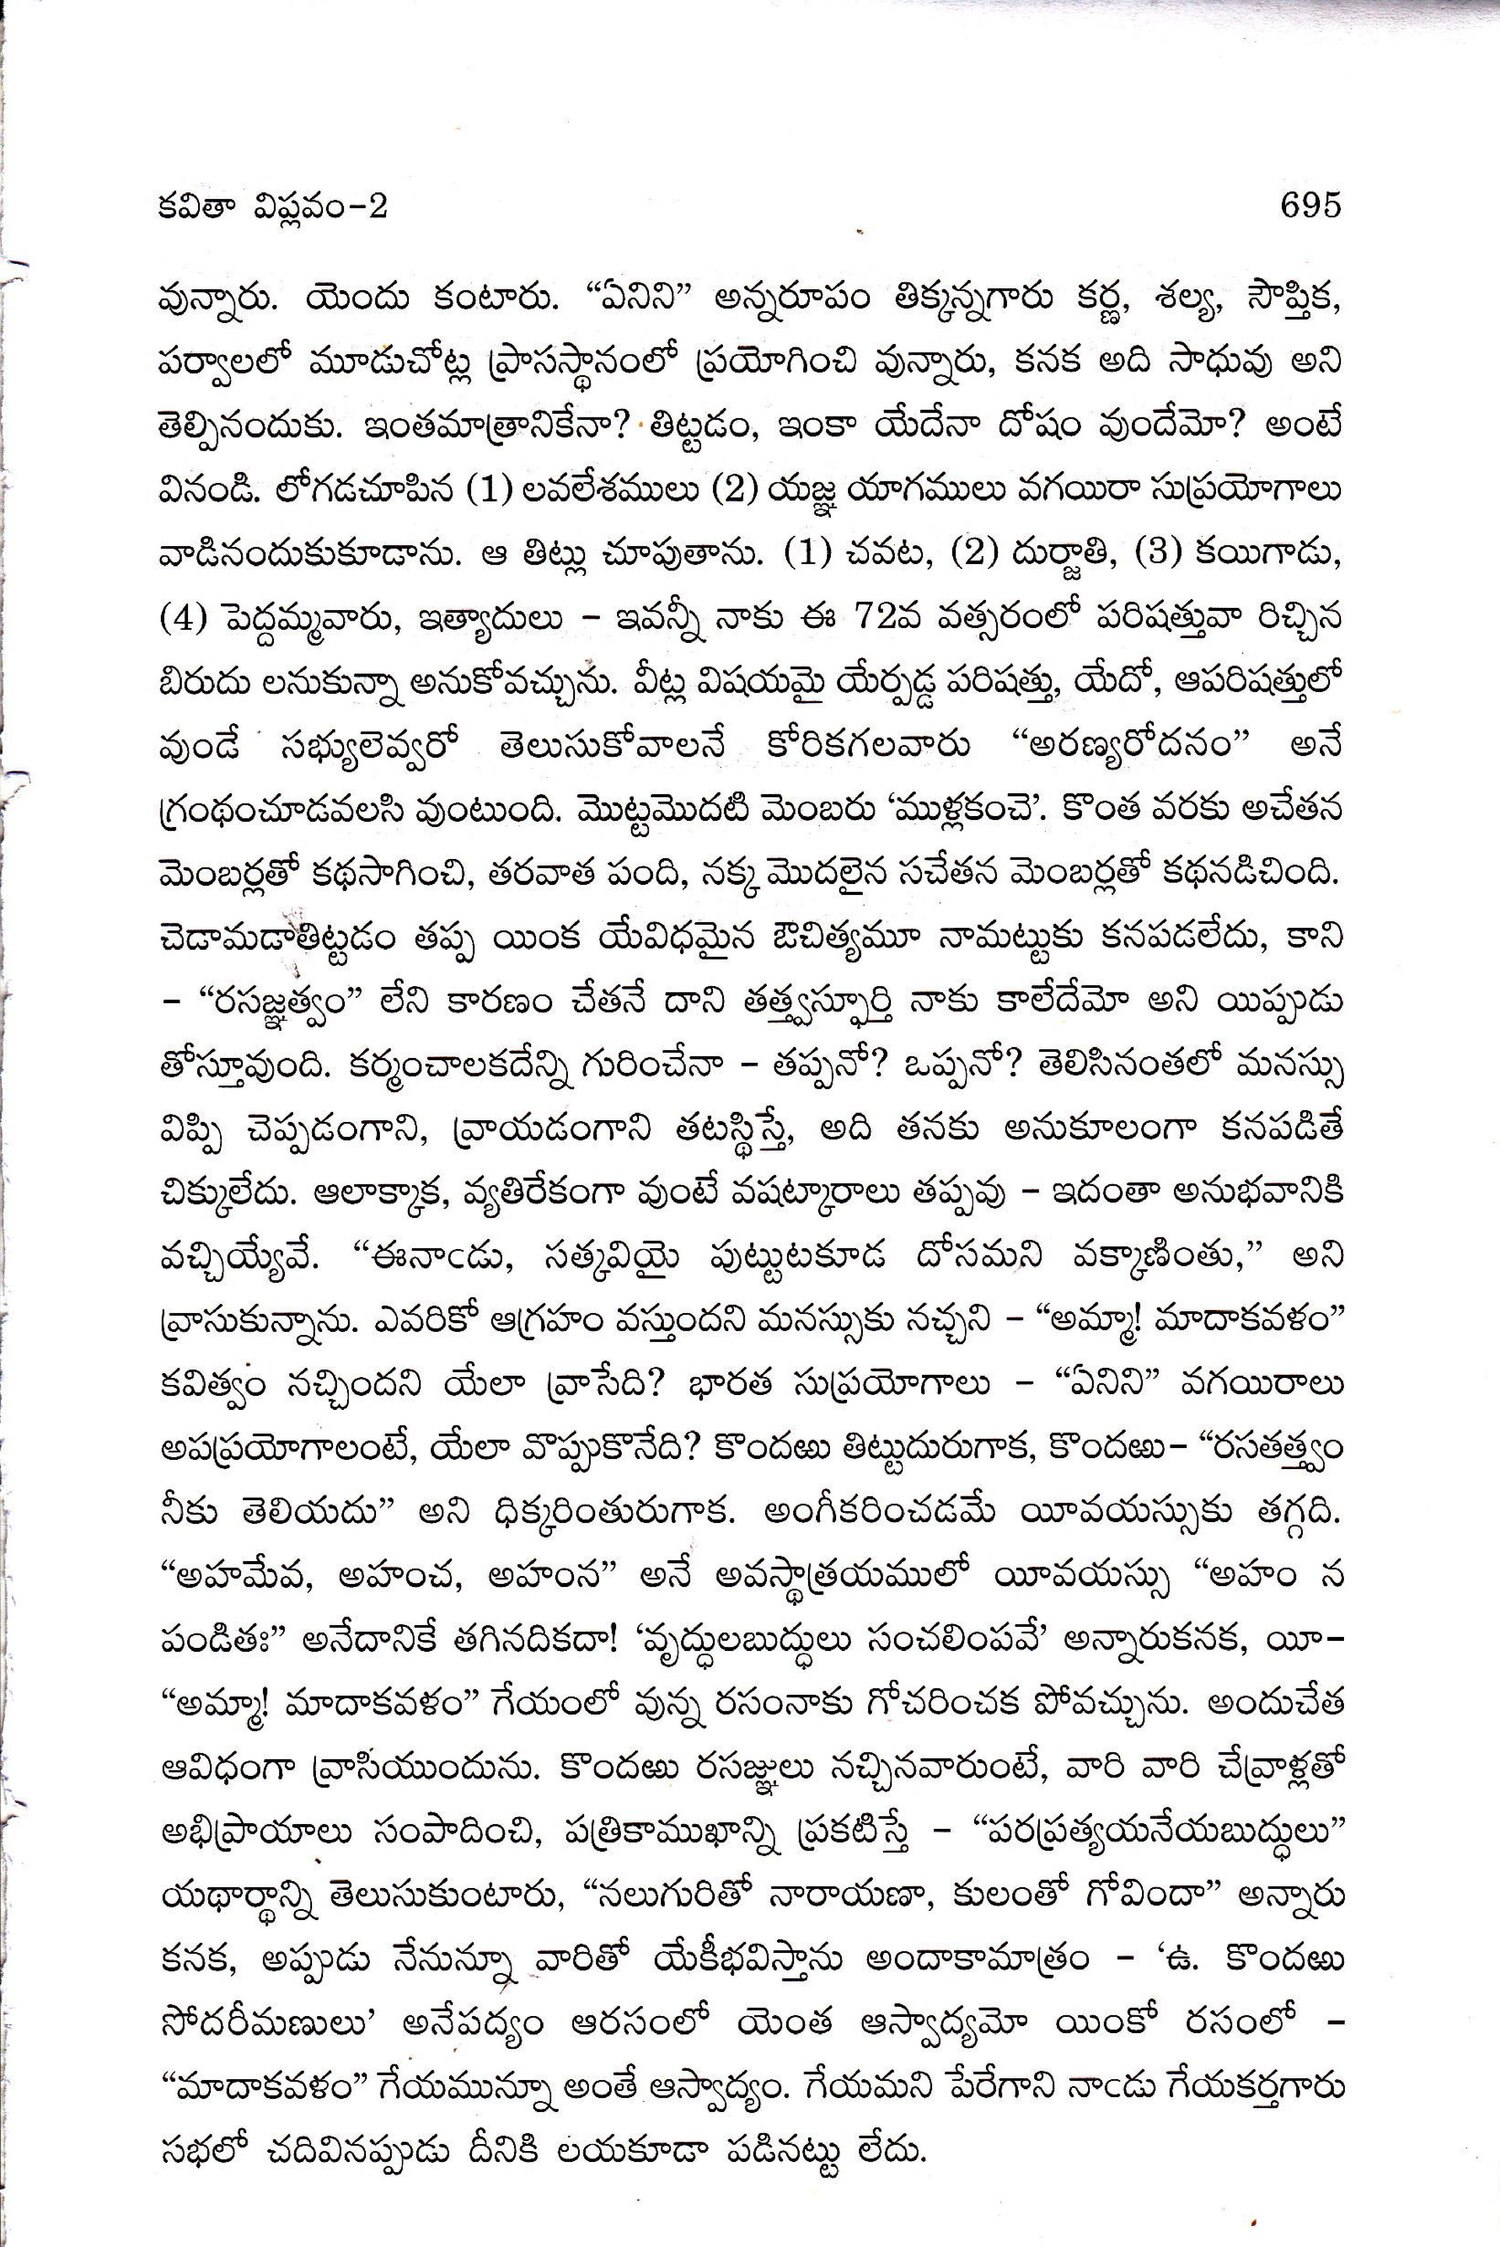వున్నారు. యెందు కంటారు. “ఏనిని” అన్నరూపం తిక్కన్నగారు కర్ణ, శల్య, సౌప్తిక, పర్వాలలో మూడుచోట్ల ప్రాసస్థానంలో ప్రయోగించి వున్నారు, కనక అది సాధువు అని తెల్పినందుకు. ఇంతమాత్రానికేనా? తిట్టడం, ఇంకా యేదేనా దోషం వుందేమో? అంటే వినండి. లోగడచూపిన (1) లవలేశములు (2) యజ్ఞ యాగములు వగయిరా సుప్రయోగాలు వాడినందుకుకూడాను. ఆ తిట్లు చూపుతాను. (1) చవట, (2) దుర్జాతి, (8) కయిగాడు, (4) పెద్దమ్మవారు, ఇత్యాదులు - ఇవన్నీ నాకు ఈ 72వ వత్సరంలో పరిషత్తువా రిచ్చిన బిరుదు లనుకున్నా అనుకోవచ్చును. వీట్ల విషయమై యేర్పడ్డ పరిషత్తు, యేదో, ఆపరిషత్తులో వుండే సభ్యులెవ్వరో తెలుసుకోవాలనే కోరికగలవారు "అరణ్యరోదనం" అనే గ్రంథంచూడవలసి వుంటుంది. మొట్టమొదటి మెంబరు 'ముళ్లకంచె'. కొంత వరకు అచేతన మెంబర్లతో కథసాగించి, తరవాత పంది, నక్క మొదలైన సచేతన మెంబర్లతో కథనడిచింది. చెడామడాతిట్టడం తప్ప యింక యేవిధమైన ఔచిత్యమూ నామట్టుకు కనపడలేదు, కాని - "రసజ్ఞత్వం” లేని కారణం చేతనే దాని తత్త్వస్ఫూర్తి నాకు కాలేదేమో అని యిప్పుడు తోస్తూవుంది. కర్మంచాలకదేన్ని గురించేనా - తప్పనో? ఒప్పనో? తెలిసినంతలో మనస్సు విప్పి చెప్పడంగాని, వ్రాయడంగాని తటస్థిస్తే, అది తనకు అనుకూలంగా కనపడితే చిక్కులేదు. ఆలాక్కాక, వ్యతిరేకంగా వుంటే వషట్కారాలు తప్పవు - ఇదంతా అనుభవానికి వచ్చియ్యేవే. "ఈనాఁడు, సత్కవియై పుట్టుటకూడ దోసమని వక్కాణింతు," అని వ్రాసుకున్నాను. ఎవరికో ఆగ్రహం వస్తుందని మనస్సుకు నచ్చని – “అమ్మా! మాదాకవళం" కవిత్వం నచ్చిందని యేలా వ్రాసేది? భారత సుప్రయోగాలు - “ఏనిని” వగయిరాలు అపప్రయోగాలంటే, యేలా వొప్పుకొనేది? కొందఱు తిట్టుదురుగాక, కొందఱు- “రసతత్త్వం నీకు తెలియదు” అని ధిక్కరింతురుగాక. అంగీకరించడమే యీవయస్సుకు తగ్గది. "అహమేవ, అహంచ, అహంస" అనే అవస్థాత్రయములో యీవయస్సు "అహం న పండితః" అనేదానికే తగినదికదా! 'వృద్ధులబుద్ధులు సంచలింపవే' అన్నారుకనక, యీ "అమ్మా మాదాకవళం" గేయంలో వున్న రసంనాకు గోచరించక పోవచ్చును. అందుచేత ఆవిధంగా వ్రాసియుందును. కొందఱు రసజ్ఞులు నచ్చినవారుంటే, వారి వారి చేవ్రాళ్లతో అభిప్రాయాలు సంపాదించి, పత్రికాముఖాన్ని ప్రకటిస్తే - "పరప్రత్యయనేయబుద్దులు" యథార్థాన్ని తెలుసుకుంటారు, “నలుగురితో నారాయణా, కులంతో గోవిందా" అన్నారు కనక, అప్పుడు నేనున్నూ వారితో యేకీభవిస్తాను అందాకామాత్రం - 'ఉ. కొందఱు సోదరీమణులు' అనేపద్యం ఆరసంలో యెంత ఆస్వాద్యమో యింకో రసంలో - "మాదాకవళం" గేయమున్నూ అంతే ఆస్వాద్యం. గేయమని పేరేగాని నాఁడు గేయకర్తగారు సభలో చదివినప్పుడు దీనికి లయకూడా పడినట్టు లేదు.